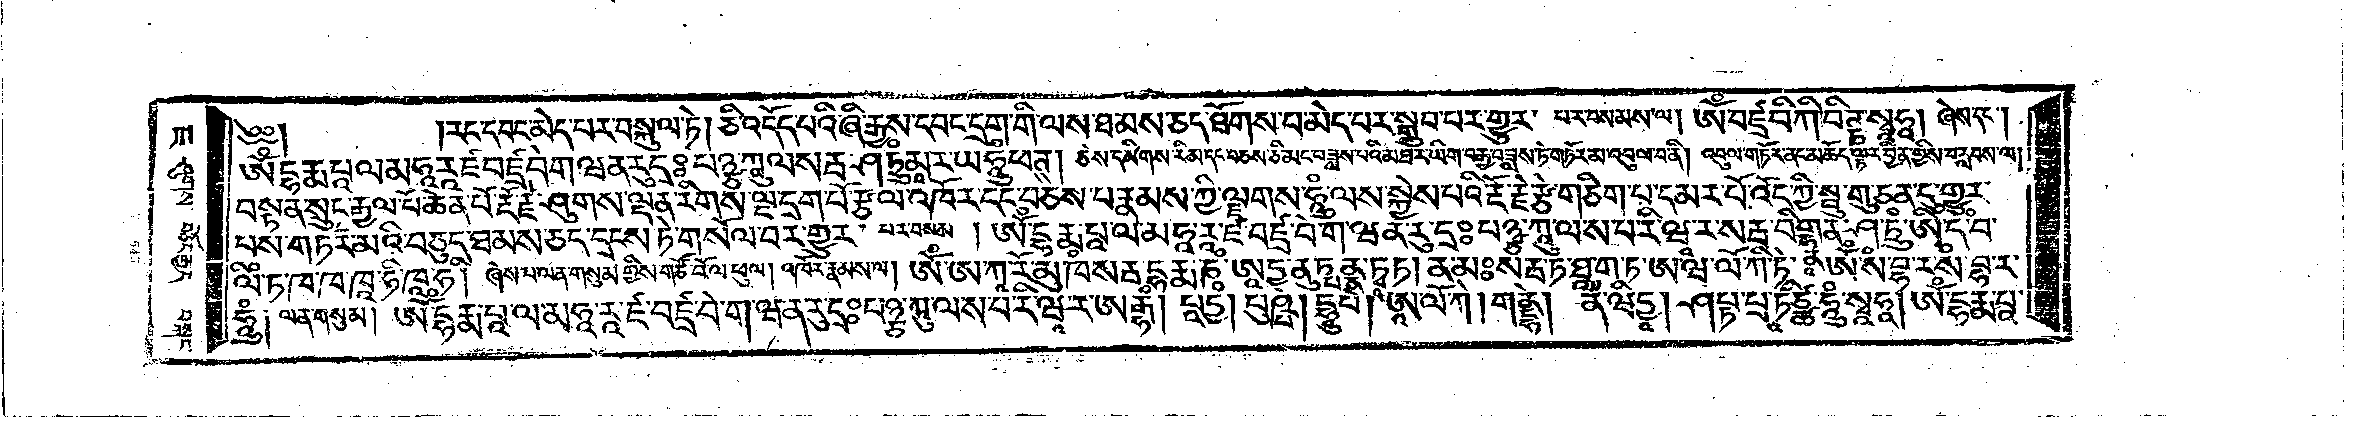༄༅། །རང་དབང་མེད་པར་བསྐུལ་ཏེ། ཅི་འདོད་པའི་ཞི་རྒྱས་དབང་དྲག་གི་ལས་ཐམས་ཅད་ཐོགས་པ་མེད་པར་སྒྲུབ་པར་གྱུར། པར་བསམས་ལ།  ཨོཾ་བཛྲ་བི་ཀི་བིཊྞ་སྭྰྷཱ། ཞེས་དང་།
ཨོཾ་དྷརྨ་པཱ་ལ་མྷཱ་རཱ་ཛ་བཛྲ་བེག་ཝན་རུདྲཿ པཉྩ་ཀྵུ་ལ་སརྦ་ཤཏྲུཾ་མར་ཡཧཱུཾཕཊ། ཅེས་དམིགས་རིམ་དང་བཅས་ཅི་མེད་བཟླས་པའི་མཐར་ཡིག་བརྒྱ་བཟླས་ཏེ་གཏོར་མ་འབུལ་བ་ནི། འབུལ་གཏོར་ནང་མཆོད་ལྟར་བྱིན་གྱིས་བརླབས་ལ།
བསྟན་སྲུང་རྒྱལ་པོ་ཆེན་པོ་རྡོ་རྗེ་ཤུགས་ལྡན་རིགས་ལྔ་དྲག་པོ་རྩལ་འཁོར་དང་བཅས་པ་རྣམས་ཀྱི་ལྗགས་ཧཱུཾ་ལས་སྐྱེས་པའི་རྡོ་རྗེ་རྩེ་གཅིག་པ་དམར་པོ་འོད་ཀྱི་སྦུ་གུ་ཅན་དུ་གྱུར་
པས་གཏེར་མའི་བཅུད་ཐམས་ཅད་དྲངས་ཏི་གསོལ་བར་གྱུར་པར་བསམ།  ཨོཾ་དྷརྨ་པཱ་ལི་མཧའ་རཱ་ཛ་བཛྲ་བོ་ག་ཝན་རུ་དྲཿཔཉྩ་ཀཱུ་ལ་ས་པ་རི་ཝ་ར་སརྦ་བིཧན་ཤཏྲུཾ་ཡིད་པ་
ལིཾ་ཏ་ཁ་ཁཱ་ཧི་ཁཱུ་ཧི། ཞེས་པ་ལན་གསུམ་གྱིས་གཙོ་བོ་ལ་ཕུལ། འཁོར་རྣམས་ལ།  ཨོཾ་ཨ་ཀཱ་རོ་མུ་ཁ་སརྦ་དྷརྨ་ཎ་ཨཱ་དྱ་ནུཏྤ་ནྣ་ཏྭཏ། ན་མཿསརྦ་ཏ྾་ཐཱ་ག་ཏ་ཨ་ཝ་ལོ་ཀི་ཏེ་ཨོཾ་ས་བྷ་ར་ས྾་བྷ་ར་
ཧཱུཾ། ལན་གསུམ་ཨོཾ་དྷརྨ་པཱ་ལ་མྷཱ་རཱ་ཛ་བཛྲ་བེ་ག་ཝན་རུ་དྲཿཔཉྩ་ཀཱུ་ལ་ས་པ་རི་ཝཱ་ར་ཨརྒྷཾ། པཱདྱཾ། པུཥྤེ། དྷཱུ་པ། ཨཱ་ལོ་ཀེ། གནྡྷེ། ན་སིདྱཱ། ཤཔྟ་པྲ་ཏཱིཙྪི་ཧཱུཾ་སྭཱཧཱ། ཨོཾ་དྷརྨ་པཱ་